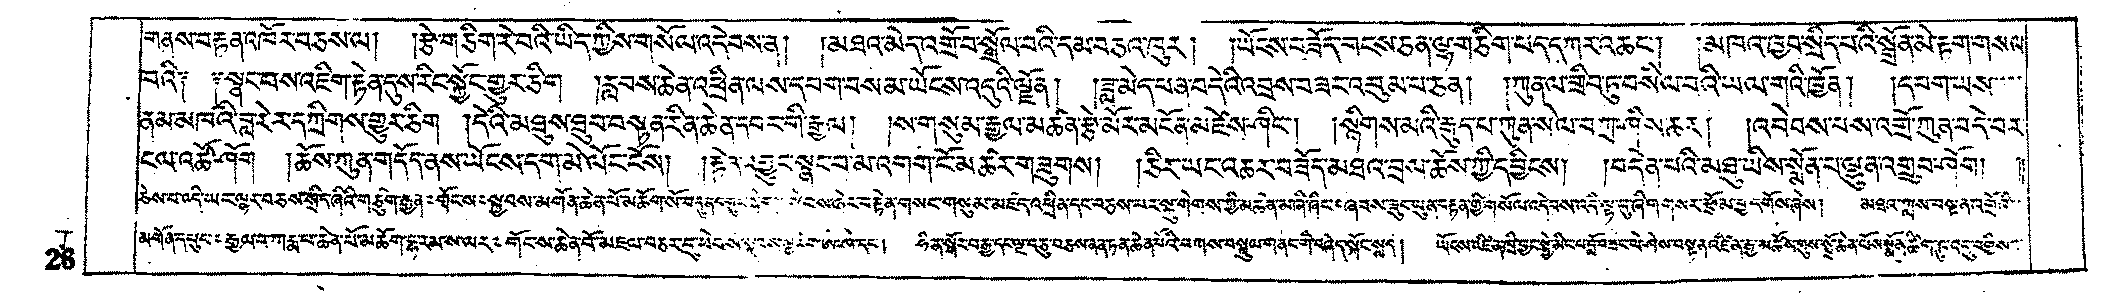གནས་བརྟན་འཁོར་བཅས་ལ། །རྩེ་གཅིག་རེ་བའི་ཡིད་ཀྱིས་གསོལ་འདེབས་ན། །མཐའ་མེད་འགྲོ་བ་སྒྲོལ་བའི་དམ་བཅའ་ཁུར། །ཡོངས་བཟོད་གངས་ཅན་ལྷ་གཅིག་པད་དཀར་འཆང་། །མཁའ་ཁྱབ་སྲིད་པའི་སྒྲོན་མེ་རྟག་གསལ་
བའི༑ ༑སྣང་བས་འཇིག་རྟེན་དུས་རིང་སྐྱོང་གྱུར་ཅིག །རླབས་ཆེན་འཕྲིན་ལས་དཔག་བསམ་ཡོངས་འདུའི་ལྗོན། །ཟླ་མེད་ཕན་བདེའི་འབྲས་བཟང་འབུམ་པ་ཅན། །ཀུན་ལ་གྲིབ་ཏུ་བསིལ་བའི་ཡལ་གའི་ཁྱོན། །དཔག་ཡས་་་
ནམ་མཁའི་བླ་རེར་དཀྲིགས་གྱུར་ཅིག །དེའི་མཐུས་ཐུབ་བསྟན་རིན་ཆེན་དབང་གི་རྒྱལ། །ས་གསུམ་རྒྱལ་མཚན་རྩེ་མོར་མངོན་མཛེས་ཤིང་། །སྙིགས་མའི་རྒྱུད་པ་ཀུན་སེལ་བཀྲ་ཤིས་ཆར། །འབེབས་པས་འགྲོ་ཀུན་བདེ་བར་
ངལ་འཚོ་ཤོག །ཆོས་ཀུན་གདོད་ནས་ཡོངས་དག་མེ་ལོང་ངོས། །རྟེན་འབྱུང་སྣང་བ་མ་འགག་ངོ་མཚར་གཟུགས། །ཅིར་ཡང་འཆར་བཟོད་མཐའ་བྲལ་ཆོས་ཀྱི་དབྱིངས། །བདེན་པའི་མཐུ་ཡིས་སྨོན་པ་ལྷུན་འགྲུབ་ཤོག། །།
ཅེས་པ་འདི་ཡང་ལྷར་བཅས་སྲིད་ཞིའི་གཙུག་རྒྱན ༧་གོང་ས ༧་སྐྱབས་མགོན་ཆེན་པོ་མཆོག་སོ་བདུན་པ་གུང་སྙེག་སུ་ཕེབས་ཉེར་བརྟེན་གསང་གསུམ་མཛད་འཕྲིན་དང་བཅས་པར་སྐུ་གེགས་ཀྱི་མཚན་མ་ཞི་ཞིང ༧་ཞབས་ཟུང་ཡུན་བརྟན་གྱི་གསོལ་འདེབས་འདི་ལྟ་བུ་ཞིག་གསར་རྩོམ་བྱ་དགོས་ཞེས། མཐའ་ཀླས་བསྟན་འགྲོའི་་་
མགོན་དཔུང ༧་རྒྱལ་བ་ཀརྨ་པ་ཆེན་པོ་མཆོག་དྷ་རམ་ས་ལར ༧་གོང་ས་ཆེན་པོ་མཇལ་བཅར་དུ་ཕེབས་སྐབས་ལྷ་རེག་ཨ་ཤེ་དང་། ཧིན་སྒོར་བརྒྱ་དང་ལྔ་བཅུ་བཅས་ནན་ཏན་ཆེན་པོའི་བཀས་བསྐུལ་གནང་གི་བཞེད་སྐོང་སླད། ཡོངས་འཛིན་ཁྲི་བྱང་སྐྱེ་མིང་པ་བློ་བཟང་ཡེ་ཤེས་བསྟན་འཛིན་རྒྱ་མཚོས་གུས་སྤྲོ་ཆེན་པོས་སྨོན་ཚིག་ཏུ་འདུ་བགྱིས་་་